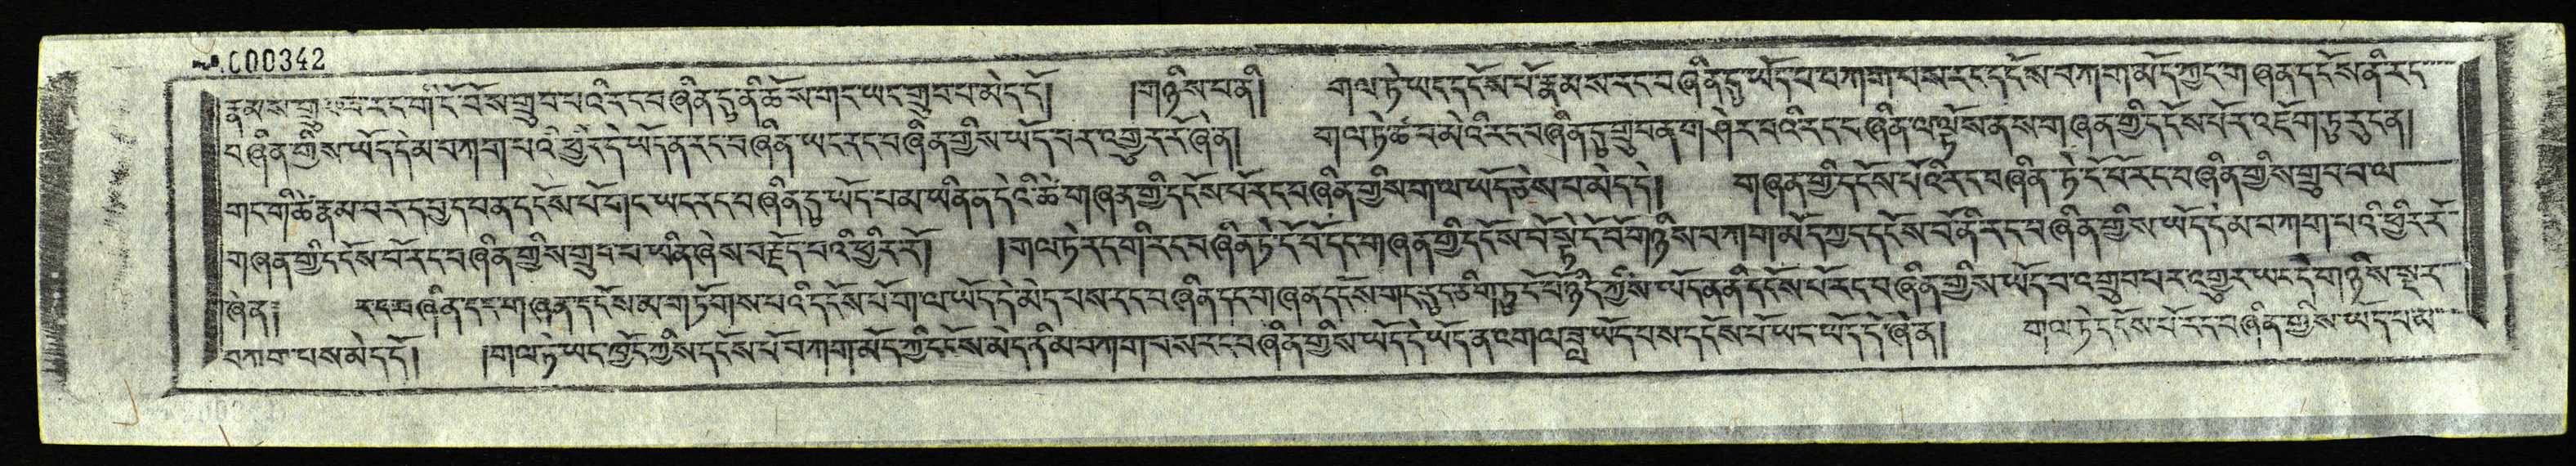རྣམས་གྲུབ་པ་རང་གི་ངོ་བོས་གྲུབ་པའི་རང་བཞིན་དུ་ནི་ཆོས་གང་ཡང་གྲུབ་པ་མེད་དོ། །གཉིས་པ་ནི། གལ་ཏེ་ཡང་དངོས་པོ་རྣམས་རང་བཞིན་དུ་ཡོད་པ་བཀག་པས་རང་དངོས་བཀག་མོད་ཀྱང་གཞན་དངོས་ནི་རང་
བཞིན་གྱིས་ཡོད་དེ་མ་བཀག་པའི་ཕྱིར་དེ་ཡོད་ན་རང་བཞིན་ཡང་རང་བཞིན་གྱིས་ཡོད་པར་འགྱུར་རོ་ཞེ་ན། གལ་ཏེ་ཚ་བ་མེའི་རང་བཞིན་དུ་གྲུབ་ན་གཤེར་བའི་རང་བཞིན་ལ་ལྟོས་ནས་གཞན་གྱི་དངོས་པོར་འཇོག་ཏུ་རུང་ན།
གང་གི་ཚེ་རྣམ་པར་དཔྱད་པ་ན་དངོས་པོ་གང་ཡང་རང་བཞིན་དུ་ཡོད་པ་མ་ཡིན་ན་དེའི་ཚེ་གཞན་གྱི་དངོས་པོ་རང་བཞིན་གྱིས་ག་ལ་ཡོད་ཅེས་པ་མེད་དེ། གཞན་གྱི་དངོས་པོའི་རང་བཞིན་ཏེ་ངོ་བོ་རང་བཞིན་གྱིས་གྲུབ་པ་ལ་
གཞན་གྱི་དངོས་པོ་རང་བཞིན་གྱིས་གྲུབ་པ་ཡིན་ཞེས་བརྗོད་པའི་ཕྱིར་རོ། །གལ་ཏེ་རང་གི་རང་བཞིན་ཏེ་ངོ་བོ་དང་གཞན་གྱི་དངོས་པོ་སྟེ་ངོ་བོ་གཉིས་བཀག་མོད་ཀྱང་དངོས་པོ་ནི་རང་བཞིན་གྱིས་ཡོད་དེ་མ་བཀག་པའི་ཕྱིར་རོ་
ཞེ་ན༑ རང་བཞིན་དང་གཞན་དངོས་མ་གཏོགས་པའི་དངོས་པོ་ག་ལ་ཡོད་དེ་མེད་པས་རང་བཞིན་དང་གཞན་དངོས་གང་རུང་ཅིག་ཏུ་ངོ་བོ་ཉིད་ཀྱིས་ཡོད་ན་ནི་དངོས་པོ་རང་བཞིན་གྱིས་ཡོད་པ་འགྲུབ་པར་འགྱུར་ཡང་དེ་གཉིས་སྔར་
བཀག་པས་མེད་དོ། །གལ་ཏེ་ཡང་ཁྱོད་ཀྱིས་དངོས་པོ་བཀག་མོད་ཀྱི་དངོས་མེད་ནི་མ་བཀག་པས་རང་བཞིན་གྱིས་ཡོད་དེ་ཡོད་ན་འགལ་ཟླ་ཡོད་པས་དངོས་པོ་ཡང་ཡོད་དོ་ཞེ་ན། གལ་ཏེ་དངོས་པོ་རང་བཞིན་གྱིས་ཡོད་པ་མ་